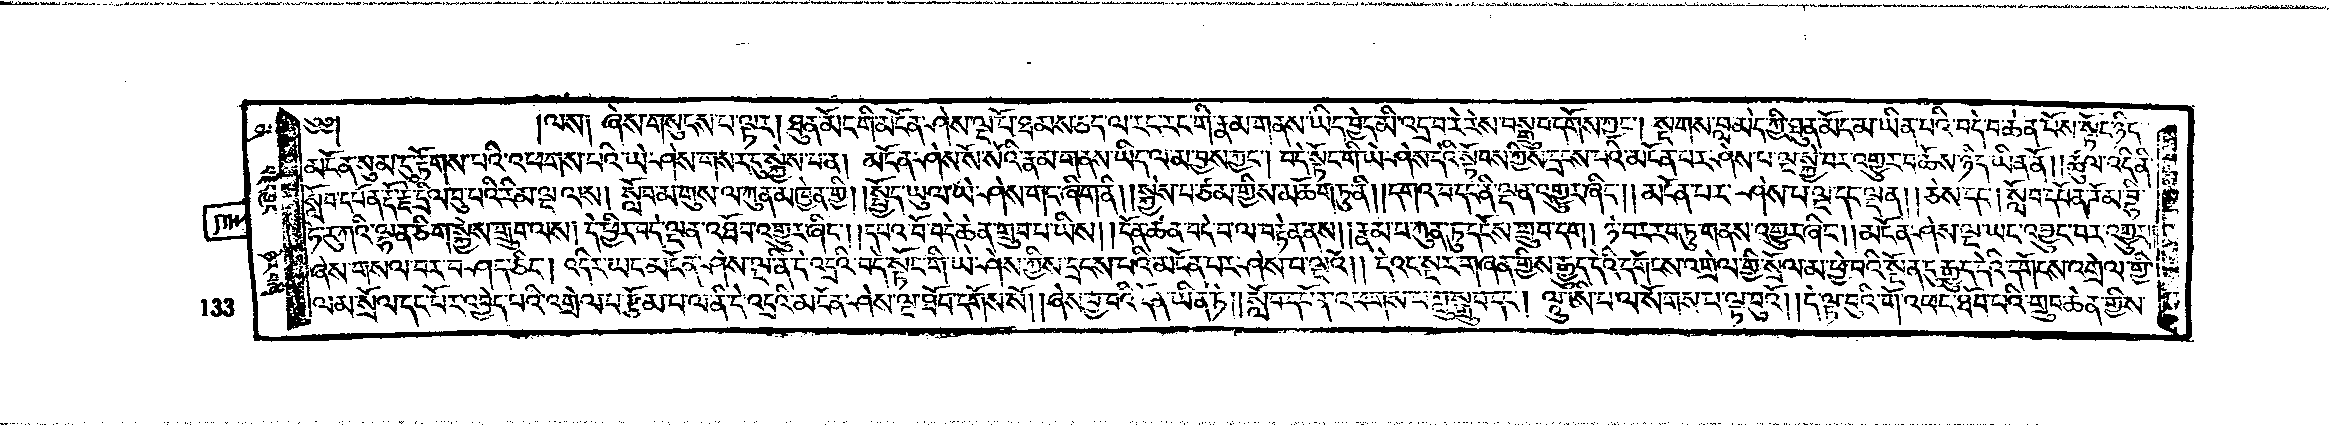༄༅། །ལས། ཞེས་གསུངས་པ་ལྟར། ཐུན་མོང་གི་མངོན་ཤེས་ལྔ་པོ་ཐམས་ཅད་ལ་རང་རང་གི་རྣམ་གནས་ཡིད་བྱེད་མི་འདྲ་བ་རེ་རེས་བསྒྲུབ་དགོས་ཀྱང་། སྔགས་བླ་མེད་ཀྱི་ཐུན་མོང་མ་ཡིན་པའི་བདེ་བ་ཆེན་པོས་སྟོང་ཉིད་
མངོན་སུམ་དུ་རྟོགས་པའི་འཕགས་པའི་ཡེ་ཤེས་གསར་དུ་སྐྱེས་པ་ན། མངོན་ཤེས་སོ་སོའི་རྣམ་གནས་ཡིད་ལ་མ་བྱས་ཀྱང་། བདེ་སྟོང་གི་ཡེ་ཤེས་དེའི་སྟོབས་ཀྱིས་དྲངས་པའི་མངོན་པར་ཤེས་པ་ལྔ་སྐྱེ་བར་འགྱུར་བ་ཆོས་ཉིད་ཡིན་ནོ། །ཚུལ་འདི་ནི་
སློབ་དཔོན་རྡོ་རྗེ་དྲིལ་བུ་པའི་རིམ་ལྔ་ལས། སློབ་མ་གུས་ལ་ཀུན་མཁྱེན་གྱི། །སྤྱོད་ཡུལ་ཡེ་ཤེས་གང་ཞིག་ནི། །སྐྱེས་པ་ཙམ་གྱིས་མཆོག་ཏུ་ནི། །དགའ་བ་དང་ནི་ལྡན་འགྱུར་ཞིང་། །མངོན་པར་ཤེས་པ་ལྔ་དང་ལྡན། །ཅེས་དང་། སློབ་དཔོན་ཌོམ་བྷི་
ཧེ་རུ་ཀའི་ལྷན་ཅིག་སྐྱེས་གྲུབ་ལས། དེ་ཕྱིར་བདེ་ལྡན་འཐོབ་འགྱུར་ཞིང་། །དཔའ་བོ་བདེ་ཆེན་གྲུབ་པ་ཡིས། །དོན་ཆེན་བདེ་བ་ལ་བརྟེན་ནས། །རྣམ་པ་ཀུན་ཏུ་དངོས་གྲུབ་དག །ཉེ་བར་རབ་ཏུ་གནས་འགྱུར་ཞིང་། །མངོན་ཤེས་ལྔ་ཡང་འབྱུང་བར་འགྱུར།།
ཞེས་གསལ་བར་བཤད་ཅིང་། འདིར་ཡང་མངོན་ཤེས་ལྔ་ནི་དེ་འདྲའི་བདེ་སྟོང་གི་ཡེ་ཤེས་ཀྱིས་དྲངས་པའི་མངོན་པར་ཤེས་པ་ལྔའོ། །དེའང་སྔར་གཞན་གྱིས་རྒྱུད་དེའི་དགོངས་འགྲེལ་གྱི་སྲོལ་མ་ཕྱེ་བའི་སྔོན་དུ་རྒྱུད་དེའི་དགོངས་འགྲེལ་གྱི་
ལམ་སྲོལ་དང་པོར་འབྱེད་པའི་འགྲེལ་པ་རྩོམ་པ་ལ་ནི་དེ་འདྲའི་མངོན་ཤེས་ལྔ་ཐོབ་དགོས་སོ། །ཞེས་བྱ་བའི་དོན་ཡིན་ཏེ། །སློབ་དཔོན་འཕགས་པ་ཀླུ་སྒྲུབ་དང་། ལཱུ་ཨི་པ་ལ་སོགས་པ་ལྟ་བུའོ། །དེ་ལྟ་བུའི་གོ་འཕང་ཐོབ་པའི་གྲུབ་ཆེན་གྱིས་